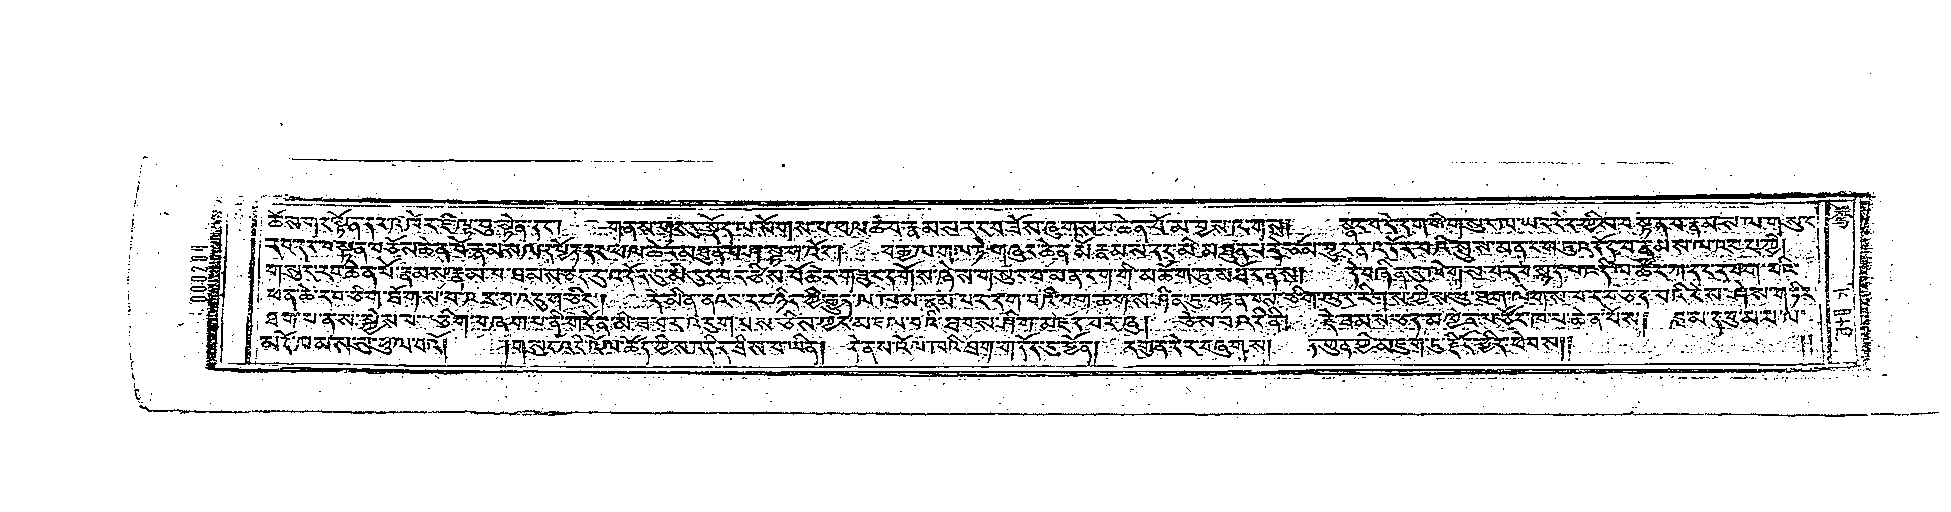ཆོས་གང་སྟོན་དང་འཁོར་ཇི་ལྟ་བུ་སྟེན་དང་། གནས་གང་དུ་སྡོད་ལ་སོགས་པ་ཕལ་ཆེ་བ་རྣམས་རང་བཟོས་ཞུགས་པ་ཆེན་པོ་མ་བྱས་ལགས། སྣང་བ་དེ་དག་གི་གསུང་ལ་ཡང་དེང་ཀྱིས་བསྟན་པ་རྣམས་ལ་གསུང་
རབ་དང་བསྟན་བཅོས་ཆེན་པོ་རྣམས་ལ་དཔྱོད་དང་ཕལ་ཆེར་མཐུན་པ་ཤ་སྟག་འོང་། བརྒྱ་ལ་གལ་ཏེ་གཞུང་ཆེན་མོ་རྣམས་དང་མི་མཐུན་པ་རེ་ཙམ་བྱུང་ན་འདོར་བའི་སྤུས་མན་ངག་ཏུ་འདོད་པ་རྣམས་ལ་འབབ་ཀྱི།
གསུང་རབ་ཆེན་པོ་རྣམས་རྣམ་པ་ཐམས་ཅད་དུ་འདོར་དུ་མི་རུང་བར་རྩིས་པོ་ཆེར་གཟུང་དགོས་ཞེས་གསུང་བ་མན་ངག་གི་མཆོག་ཏུ་མཐོང་ནས། དེ་བཞིན་དུ་ལེགས་པར་བསྙད་པ་འདི་ལ་ཚོར་ཀ་དང་དཔག་པའི་
ཕན་ཆེ་རབ་ཅིག་ཐོགས་པ་འདྲ་བ་འདུག་ཅིང་། དེ་མིན་ནའང་རང་ཉིད་ཀྱི་རྒྱུད་ལ་ལམ་རྣམ་པར་དག་བའི་བག་ཆགས་ཤིན་ཏུ་བརྟན་བས་ཅིག་ལུང་རིགས་ཀྱིས་སུ་ཐག་ལེགས་པར་བཅད་པའི་ངེས་ཤེས་གཏིང་
ཐག་པ་ནས་སྐྱེས་པ་ཅིག་བཞག་པ་ནི་གདོན་མི་ཟ་བར་འདུག་པས་ཅིས་ཀྱང་མཇལ་བའི་ཐབས་ཤིག་མཛད་བར་ཞུ། ཅེས་བ་འདི་ནི། རྗེ་ཐམས་ཅད་མཁྱེན་པ་ཙོང་ཁ་པ་ཆེན་པོས། བླ་མ་དབུ་མ་པ་ལ་
མདོ་ཁམས་སུ་ཕུལ་བའོ། །གསུང་འདི་འོལ་ཚོད་ཀྱིས་འདིར་བྲིས་བ་ཡིན། དེ་ནས་འོལ་ཁའི་བྲག་གདོང་དུ་བྱོན། དགུན་དེར་བཞུགས། དགུན་གྱི་མཇུག་ཏུ་རྫིང་ཕྱིར་ཕེབས།། །།